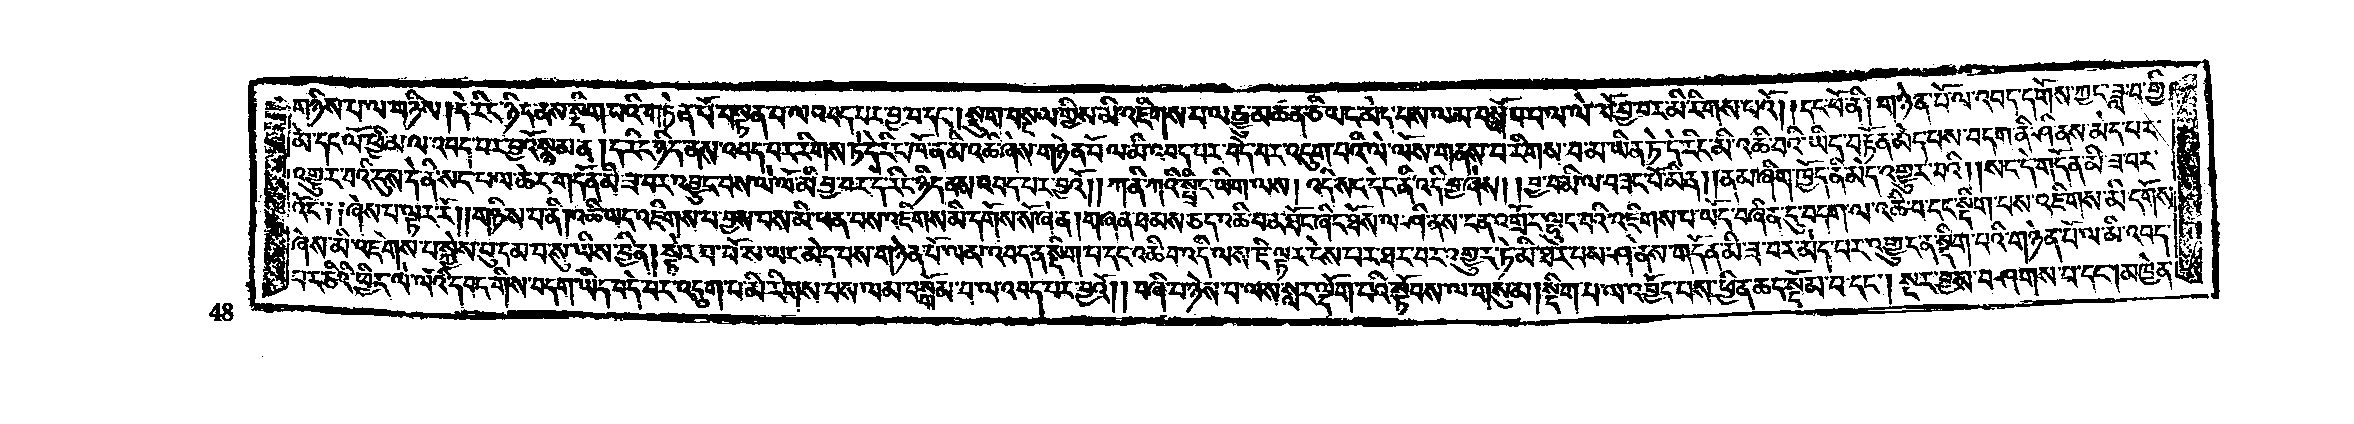གཉིས་པ་ལ་གཉིས། དེ་རིང་ཉིད་ནས་སྡིག་པའི་གཏེན་པོ་བསྟན་པ་ལ་འབད་པར་བྱ་བ་དང་། སྡུག་བསྔལ་གྱིས་མི་འཇིགས་པ་ལ་རྒྱུ་མཚན་ཅི་ཡང་མེད་པས་ལམ་བསྒོབ་པ་ལ་ལེ་ལོ་བྱ་བར་མི་རིགས་པའོ། །དང་པོ་ནི། གཉེན་པོ་ལ་འབད་དགོས་ཀྱང་ཟླ་བ་གྱི་
མེ་དང་ལོ་ཕྱི་མ་ལ་འབད་པར་བྱའོ་སྙམ་ན། ད་རིང་ཉིད་ནས་འབད་པར་རིགས་ཏེ་དེ་རིང་ཁོ་ན་མི་འཆི་ཞེས་གཉེན་པོ་ལ་མི་འབད་པར་བདེ་བར་འདུག་པའི་ལེ་ལོས་གནས་པ་རིགས་པ་མ་ཡིན་ཏེ་དེ་རིང་མི་འཆི་བའི་ཡིད་བརྟོན་མེད་པས་བདག་ནི་ཤི་ནས་མེད་པར་
འགྱུར་བའི་དུས་དེ་ནི་སང་བ་ལ་ཆེར་གདོན་མི་ཟ་བར་འབྱུང་བས་ལེ་ལོ་མི་བྱ་བར་དེ་རིང་ཉིད་ནས་འབད་པར་བྱའོ། །ཀ་ནི་ཀའི་སྤྲིང་ཡིག་ལས། འདི་སངས་དེང་ནི་འདི་བྱ་ཞེས། །བྱ་བ་མི་ལ་བཟང་པོ་མིན། །ནམ་ཞིག་ཁྱོད་ནི་མེད་འགྱུར་བའི། །སང་དེ་གདོན་མི་ཟ་བར་
འོང༑ ༑ཞེས་པ་ལྟར་རོ། །གཉིས་པ་ནི། འཆི་ཡང་འཇིགས་པ་བྱས་པས་མི་ཕན་པས་འཇིགས་མི་དགོས་སོ་ཞེ་ན། གཞན་ཐམས་ཅད་འཆི་བ་མཐོང་ཞིང་ཐོས་ལ་ཤི་ནས་ངན་འགྲོར་ལྷུང་བའི་འཇིགས་པ་ཡོད་བཞིན་དུ་བདག་ལ་འཆི་བ་དང་སྡིག་པས་འཇིགས་མི་དོགས་
ཞེས་མི་འཇིགས་པ་སྐྱེས་བུ་དམ་པ་སུ་ཡིས་བྱིན། སྟེར་པ་པོ་ས་ཡང་མེད་པས་གཉེན་པོ་ལམ་འབད་ན་སྡིག་པ་དང་འཆི་བ་འདི་ལས་ཇི་ལྟར་ངེས་པར་ཐར་པར་འགྱུར་ཏེ་མི་ཐར་པས་ཤེ་ནས་གདོན་མི་ཟ་བར་མེད་པར་འགྱུར་ན་སྡིག་པའི་གཉེན་པོ་ལ་མི་འབད་
པར་ཅིའི་ཕྱིར་ལེ་ལོའི་དབང་གིས་བདག་ཡིད་བདེ་བར་འདུག་པ་མི་རིགས་པས་ལམ་བསྒོམ་པ་ལ་འབད་པར་བྱའོ། །བཞི་པ་ཉེས་པ་ལས་སླར་ལྡོག་པའི་སྟོབས་ལ་གསུམ། སྡིག་པ་ལ་འབྱོད་པས་ཕྱིན་ཆད་སྡོམ་པ་དང་། སྔར་བྱས་བཤགས་པ་དང་། མཁྱེན་